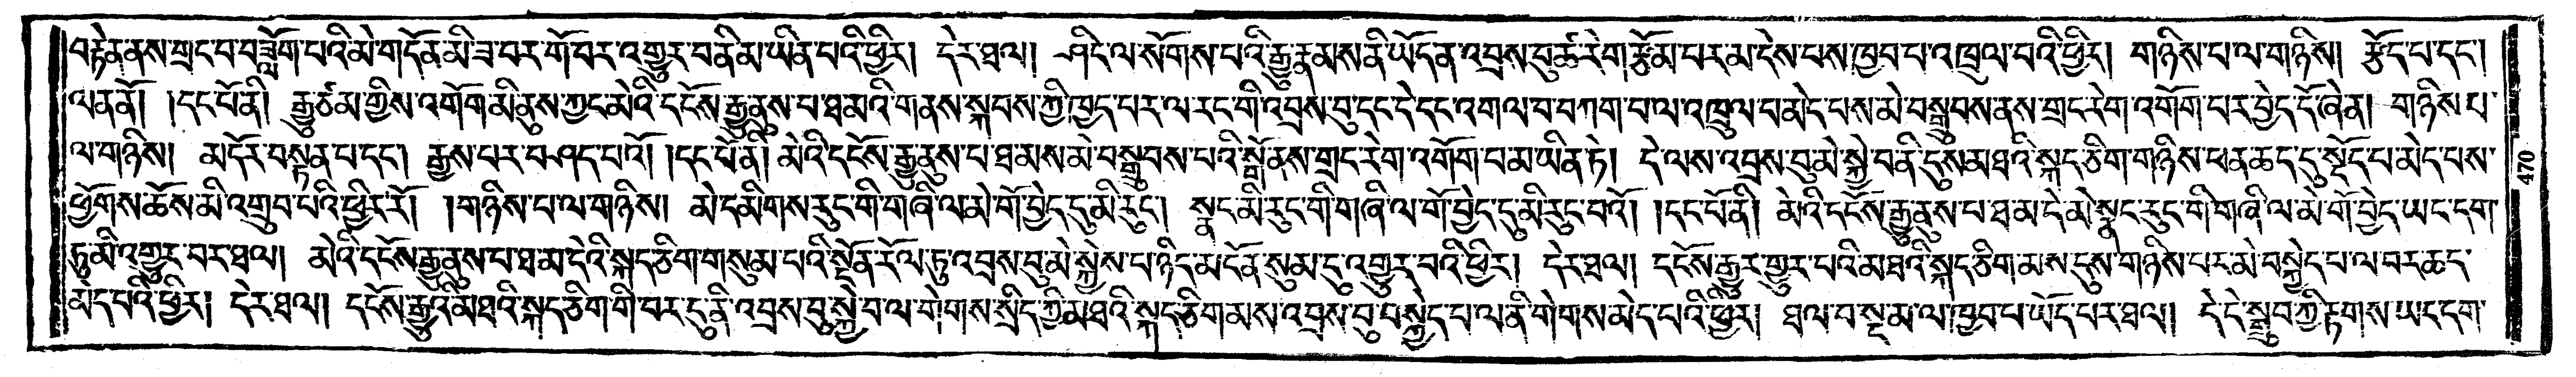བརྟེན་ནས་གྲང་བ་བཟློག་པའི་མེ་གདོན་མི་ཟ་བར་གོ་བར་འགྱུར་བ་ནི་མ་ཡིན་པའི་ཕྱིར། དེར་ཐལ། ཤིང་ལ་སོགས་པའི་རྒྱུ་རྣམས་ནི་ཡོད་ན་འབྲས་བུ་ཚ་རེག་རྩོམ་པར་མ་ངེས་པས་ཁྱབ་པ་འཁྲུལ་བའི་ཕྱིར། གཉིས་པ་ལ་གཉིས། རྩོད་པ་དང་།
ལན་ནོ། །དང་པོ་ནི། རྒྱུ་ཙམ་གྱིས་འགོག་མི་ནུས་ཀྱང་མེའི་དངོས་རྒྱུ་ནུས་པ་ཐ་མའི་གནས་སྐབས་ཀྱི་ཁྱད་པར་ལ་རང་གི་འབྲས་བུ་དང་དེ་དང་འགལ་བ་བཀག་པ་ལ་འཁྲུལ་པ་མེད་པས་མེ་བསྒྲུབས་ནས་གྲང་རེག་འགོག་པར་བྱེད་དོ་ཞེ་ན། གཉིས་པ་
ལ་གཉིས། མདོར་བསྟན་པ་དང་། རྒྱས་པར་བཤད་པའོ། །དང་པོ་ནི། མེའི་དངོས་རྒྱུ་ནུས་པ་ཐ་མས་མེ་བསྒྲུབས་པའི་སྒོ་ནས་གྲང་རེག་འགོག་པ་མ་ཡིན་ཏེ། དེ་ལས་འབྲས་བུ་མེ་སྐྱེ་བ་ནི་དུས་མཐའི་སྐད་ཅིག་གཉིས་ཕན་ཆད་དུ་སྡོད་པ་མེད་པས་
ཕྱོགས་ཆོས་མི་འགྲུབ་པའི་ཕྱིར་རོ། །གཉིས་པ་ལ་གཉིས། མེ་དམིགས་རུང་གི་གཞི་ལ་མེ་གོ་བྱེད་དུ་མི་རུང་། སྣང་མི་རུང་གི་གཞི་ལ་གོ་བྱེད་དུ་མི་རུང་བའོ། །དང་པོ་ནི། མེའི་དངོས་རྒྱུ་ནུས་པ་ཐ་མ་དེ་མེ་སྣང་རུང་གི་གཞི་ལ་མེ་གོ་བྱེད་ཡང་དག་
ཏུ་མི་འགྱུར་བར་ཐལ། མེའི་དངོས་རྒྱུ་ནུས་པ་ཐ་མ་དེའི་སྐད་ཅིག་གསུམ་པའི་སྔོན་རོལ་ཏུ་འབྲས་བུ་མེ་སྐྱེས་པ་ཉིད་མངོན་སུམ་དུ་འགྱུར་བའི་ཕྱིར། དེར་ཐལ། དངོས་རྒྱུར་གྱུར་པའི་མཐའི་སྐད་ཅིག་མས་དུས་གཉིས་པར་མེ་བསྐྱེད་པ་ལ་བར་ཆད་
མེད་པའི་ཕྱིར། དེར་ཐལ། དངོས་རྒྱུའི་མཐའི་སྐད་ཅིག་གི་བར་དུ་ནི་འབྲས་བུ་སྐྱེ་བ་ལ་གེགས་སྲིད་ཀྱི་མཐའི་སྐད་ཅིག་མས་འབྲས་བུ་བསྐྱེད་པ་ལ་ནི་གེགས་མེད་པའི་ཕྱིར། ཐལ་བ་སྔ་མ་ལ་ཁྱབ་པ་ཡོད་པར་ཐལ། དེ་དེ་སྒྲུབ་ཀྱི་རྟགས་ཡང་དག་